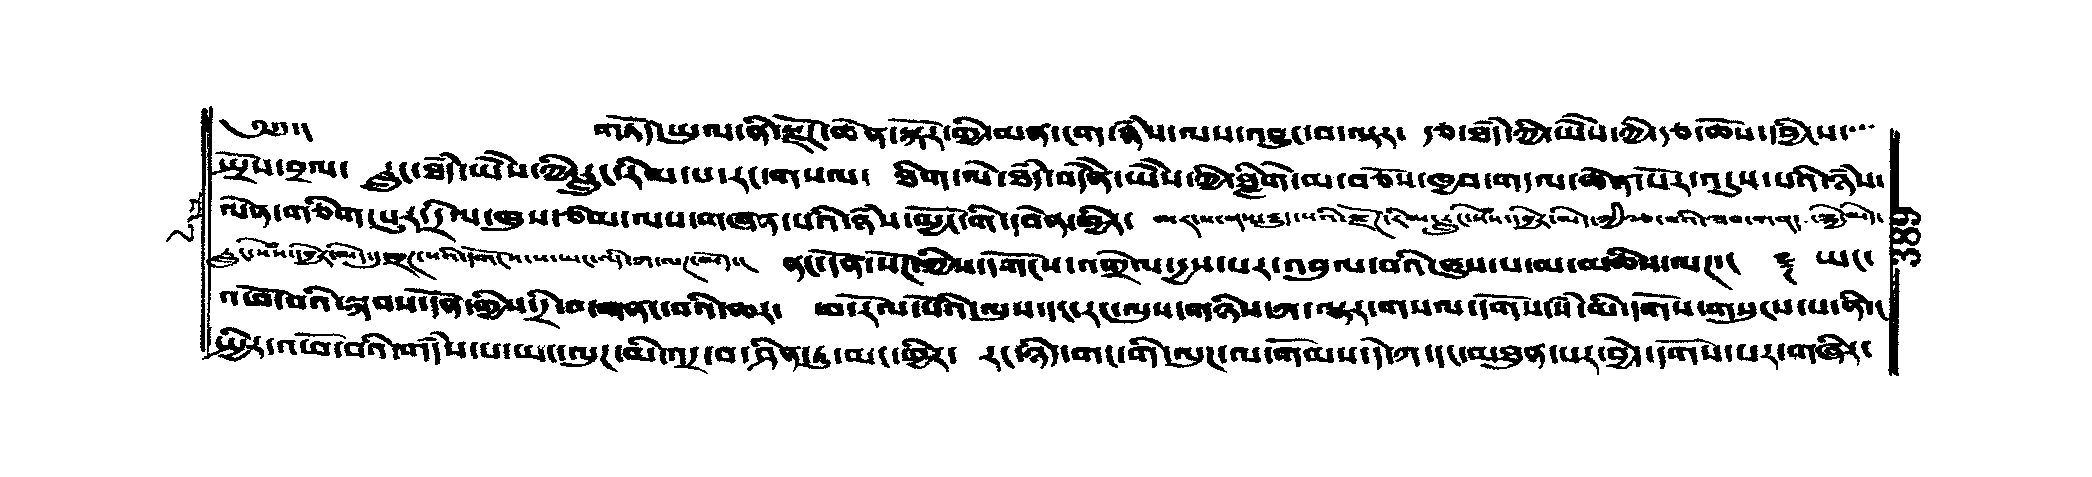གཏོད་ཡུལ་ནི་རྫོགས་ཆེན་སྐོར་གྱི་མན་ངག་རྣམས་ལས་འབྱུང་བ་ལྟར། རྩ་ཐམས་ཅད་ཀྱི་ཡེ་ཤེས་ཀྱི་རྩ་ཆོས་དབྱིངས་
སྤྲོས་བྲལ། རླུང་ཐམས་ཅད་ཡེ་ཤེས་ཀྱི་རླུང་རིག་པ་རང་གསལ། ཐིག་ལེ་ཐམས་ཅད་བདེ་ཆེན་ཡེ་ཤེས་ཀྱི་ཐིག་ལེ་མ་བཅོས་ཁྱབ་གདལ་ཆེན་པོར་འདུས་པའི་ཉམས་
ལེན་གཅིག་པུར་དྲིལ་ཁུལ་ཙམ་ལས་གཞན་པའི་ཉམས་མྱོང་གི་དབེན་ཕྱིར་ མར་ས་ནས་རྒྱུད་པའི་རྫོགས་རིམ་རླུང་ཡོས་དབྱེར་མི་ཀྱི་རྩ་བའི་བབ་གནད་ སྐྱེ་མེད་
རླུང་སེམས་ཅན་དབྱེར་མེད་དུ་གྲངས་པའི་དགོངས་པ་ཡང་འདི་ལགས་མེད་ ནང་དོན་སོགས་ཀྱིས་དགོངས་འགྲེལ་རྒྱས་པར་འབུལ་བའི་ནུས་པ་མ་མཆིས་ལགས། ༈ ཡང་
འཕོ་བའི་སྐབས་དོན་གྱི་དྲི་བ་གནང་བའི་ཆར། ཕ་རོལ་པོའི་ལུས་དང་རང་ལུས་གཉིས་ཀ་ལྷར་གསལ་དགོས་སམ་མི་དགོས་གསུངས་པ་ནི། 
སྤྱིར་འཕོ་བའི་གདམས་པ་ཡང་ལུགས་མི་འདྲ་བ་ཤིན་ཏུ་མང་ཕྱིར། རང་ཉིད་གང་གི་ལུགས་ལ་གོམ་པ་དེ་ཀ་དང་མཐུན་པར་བྱེད་དགོས་པར་གཞིར་